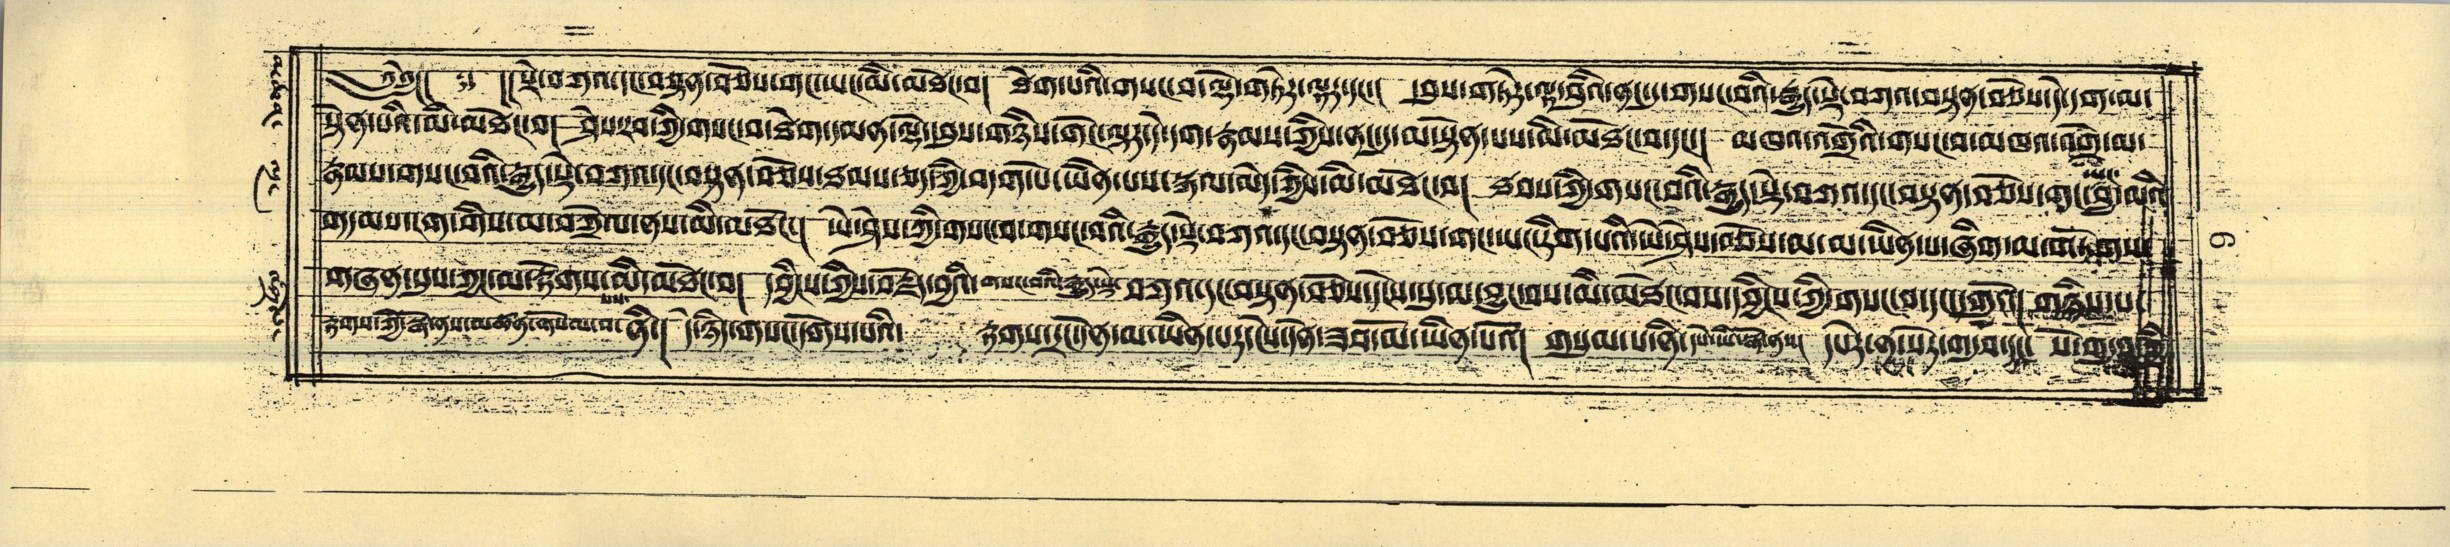སྡེ་བཀའ་དང་བསྟན་བཅོས་གང་ཡང་མི་མཐོང་བ། ཐེག་པའི་གསང་བ་ལྷོ་གཏེར་ལྟར་དང་། དབུས་གཏེར་ལྟ་བུའི་ནང་དུ་གསང་བའི་རྒྱུད་སྡེ་བཀའ་བསྟན་བཅོས་དེ་དག་མ་
སྟོན་པས་མི་མཐོང་བ། ཤེས་རབ་ཀྱི་གསང་བ་ཐེག་དམན་ལྷོ་དབུས་གཉིས་གོང་ལྟར་དེ་དག་རྣམས་ཀྱི་ནང་དུ་མ་སྟོན་པས་མི་མཐོང་བ་དང་། མཁའ་འགྲོ་མ་
རྣམས་གསང་བའི་རྒྱུད་སྡེ་བཀའ་དང་བསྟན་བཅོས་ཐམས་ཅད་ཀྱི་བདག་པོ་ཡིན་པས་སྐལ་མེད་ཀྱིས་མི་མཐོང་། ཐབས་ཀྱི་གསང་བས་རྒྱུད་སྡེ་བཀའ་དང་བསྟན་བཅོས་གང་ཡང་བླ་མའི་
གདམས་ངག་གིས་མ་བཀྲོལ་ན་མི་མཐོང་། ཡེ་ཤེས་ཀྱི་གསང་བ་གསང་བའི་རྒྱུད་སྡེ་བཀའ་དང་བསྟན་བཅོས་གང་ཡང་རིག་པའི་ཡེ་ཤེས་བཅོས་མ་མ་ཡིན་པ་ཞིག་མ་གཏོགས་
གཞན་སུས་ཀྱང་མ་རྟོགས་པས་མི་མཐོང་བ། དབྱིངས་ཀྱིས་བརྗོད་བྱའི་༼གསང་བའི་རྒྱུད་སྡེ༽བཀའ་དང་བསྟན་བཅོས་དངོས་སུ་མ་བྱུང་བས་མི་མཐོང་བས་དབྱིངས་ཀྱི་གསང་བ་དང་དགུའོ། །གཉིས་པ་
༼རྟགས་ཀྱི་སྒོ་ནས་མཚན་གསོལ་བ༽དེ་ཉིད་གསང་དགོས་པའི་རྟགས་དྲང་དོན་མ་ཡིན་པར་ངེས་དོན་ཟབ་མོ་ཡིན་པའོ། །གསུམ་པ་ནི་༼དཔེ་ཡི་སྒོ་ནས༽དཔེར་ན་སོར་གདུབ་དང་། སོར་གདུབ་ཀྱི་